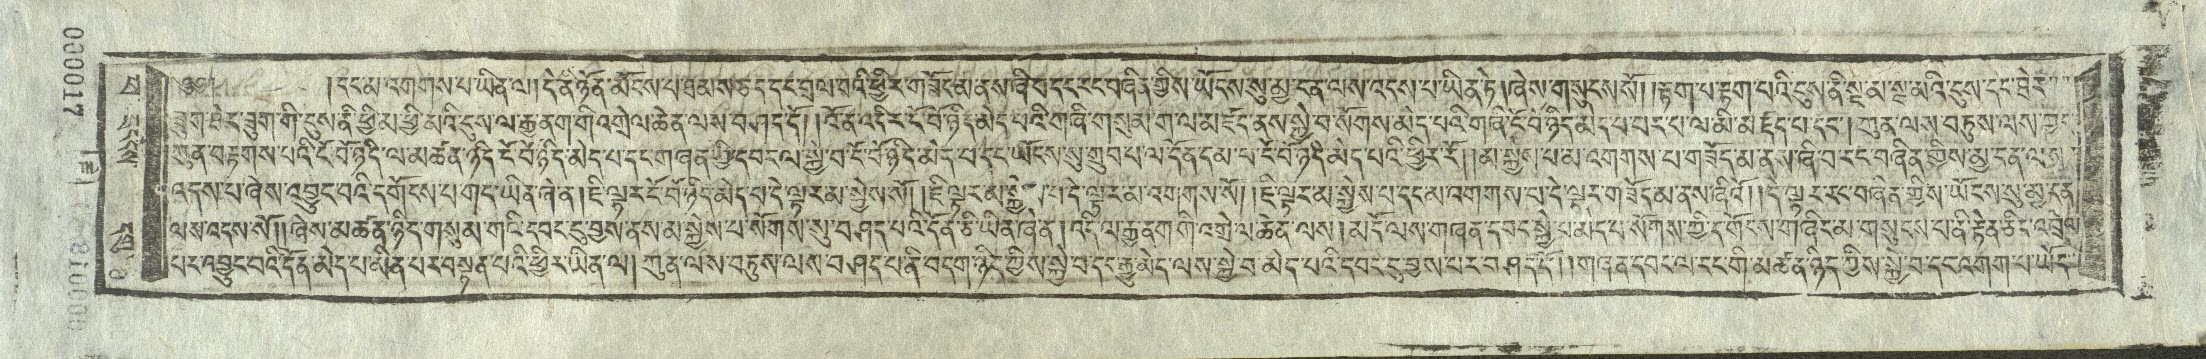༄༅། །དང་མ་འགགས་པ་ཡིན་ལ། དེ་ནི་ཉོན་མོངས་པ་ཐམས་ཅད་དང་བྲལ་བའི་ཕྱིར་གཟོད་མ་ནས་ཞི་བ་དང་རང་བཞིན་གྱིས་ཡོངས་སུ་མྱ་ངན་ལས་འདས་པ་ཡིན་ཏེ། ཞེས་གསུངས་སོ། །རྟག་པ་རྟག་པའི་དུས་ནི་སྔ་མ་སྔ་མའི་དུས་དང་ཐེར་
ཟུག་ཐེར་ཟུག་གི་དུས་ནི་ཕྱི་མ་ཕྱི་མའི་དུས་ལ་རྒྱ་ནག་གི་འགྲེལ་ཆེན་ལས་བཤད་དོ། །འོ་ན་འདིར་ངོ་བོ་ཉིད་མེད་པའི་གཞི་གསུམ་ག་ལ་མཛད་ནས་སྐྱེ་བ་སོགས་མེད་པའི་གཞི་ངོ་བོ་ཉིད་མེད་པ་བར་པ་ལ་མི་མཛད་པ་དང་། ཀུན་ལས་བཏུས་ལས་ཀྱང་
ཀུན་བརྟགས་པའི་ངོ་བོ་ཉིད་ལ་མཚན་ཉིད་ངོ་བོ་ཉིད་མེད་པ་དང་གཞན་གྱི་དབང་ལ་སྐྱེ་བ་ངོ་བོ་ཉིད་མེད་པ་དང་ཡོངས་སུ་གྲུབ་པ་ལ་དོན་དམ་པ་ངོ་བོ་ཉིད་མེད་པའི་ཕྱིར་རོ། །མ་སྐྱེས་པ་མ་འགགས་པ་གཟོད་མ་ནས་ཞི་བ་རང་བཞིན་གྱིས་མྱ་ངན་ལས་
འདས་པ་ཞེས་འབྱུང་བའི་དགོངས་པ་གང་ཡིན་ཞེ་ན། ཇི་ལྟར་ངོ་བོ་ཉིད་མེད་པ་དེ་ལྟར་མ་སྐྱེས་སོ། །ཇི་ལྟར་མ་སྐྱེས་པ་དེ་ལྟར་མ་འགགས་སོ། །ཇི་ལྟར་མ་སྐྱེས་པ་དང་མ་འགགས་པ་དེ་ལྟར་གཟོད་མ་ནས་ཞིའོ། །དེ་ལྟར་རང་བཞིན་གྱིས་ཡོངས་སུ་མྱ་ངན་
ལས་འདས་སོ། །ཞེས་མཚན་ཉིད་གསུམ་གའི་དབང་དུ་བྱས་ནས་མ་སྐྱེས་པ་སོགས་སུ་བཤད་པའི་དོན་ཅི་ཡིན་ཞེ་ན། འདི་ལ་རྒྱ་ནག་གི་འགྲེལ་ཆེན་ལས། མདོ་ལས་གཞན་དབང་སྐྱེ་བ་མེད་པ་སོགས་ཀྱི་དགོངས་གཞིར་མ་གསུངས་པ་ནི་རྟེན་ཅིང་འབྲེལ་
པར་འབྱུང་བའི་དོན་མེད་པ་མིན་པར་བསྟན་པའི་ཕྱིར་ཡིན་ལ། ཀུན་ལས་བཏུས་ལས་བཤད་པ་ནི་བདག་ཉིད་ཀྱིས་སྐྱེ་བ་དང་རྒྱུ་མེད་ལས་སྐྱེ་བ་མེད་པའི་དབང་དུ་བྱས་པར་བཤད་དོ། །གཞན་དབང་ལ་རང་གི་མཚན་ཉིད་ཀྱིས་སྐྱེ་བ་དང་འགག་པ་ཡོད་